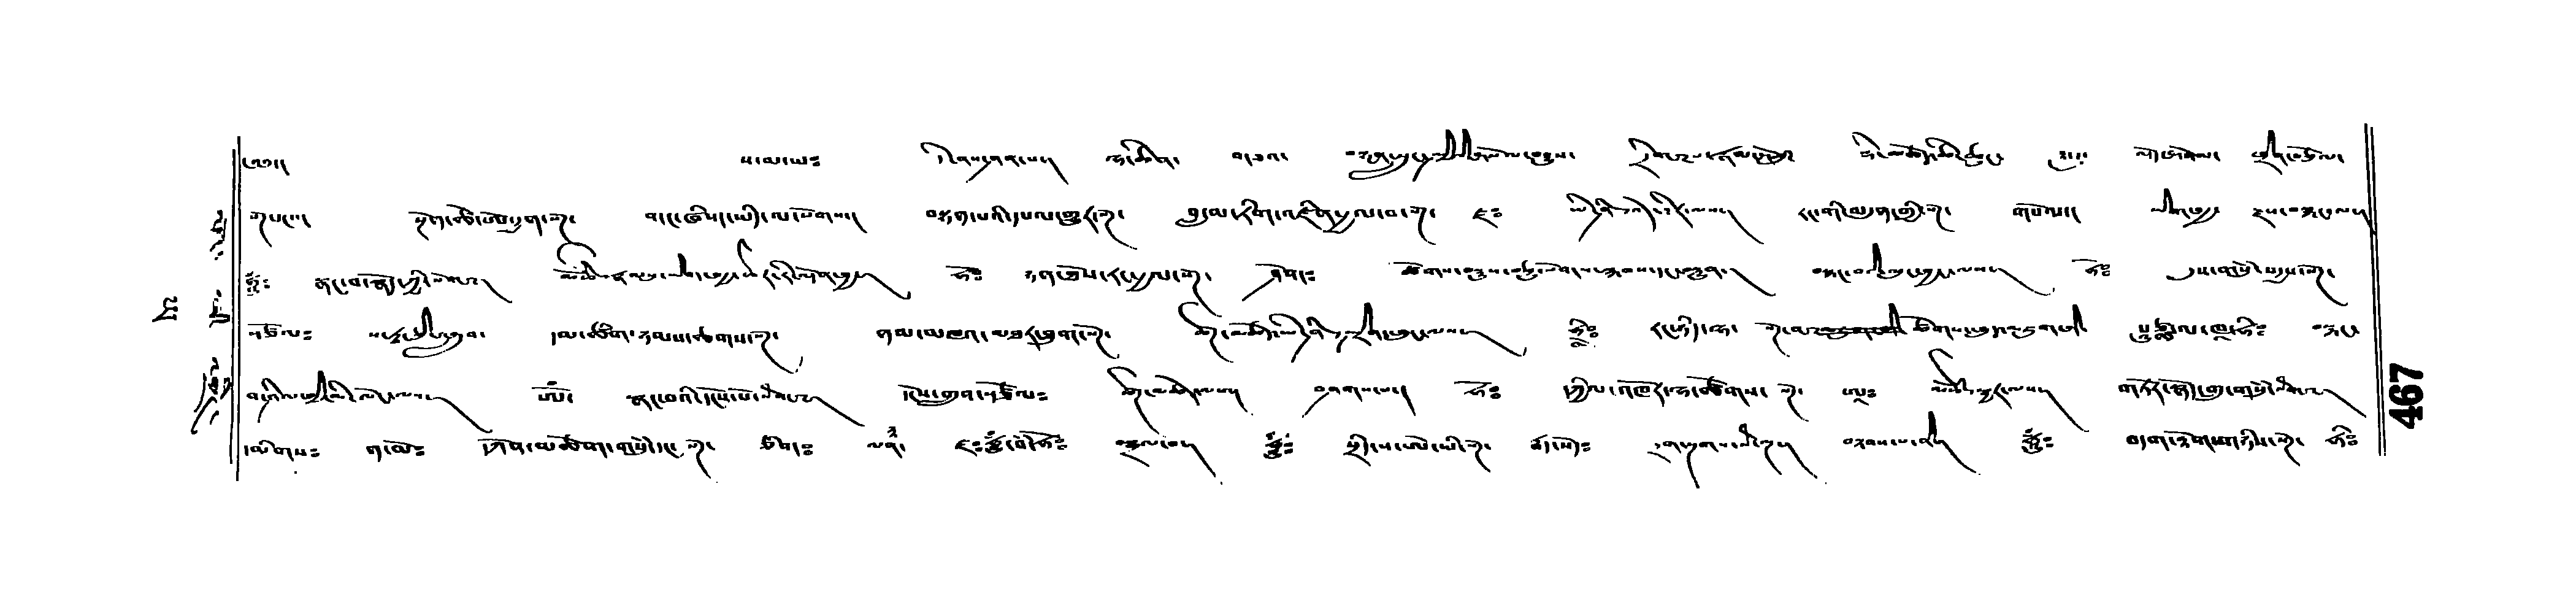ས་མ་ཡཿ དེ་ནས་ཤན་པ། ལྷ་ཆེན། གཟའ། བསྙན་སྲུང་སྤྱིའི་གསོལ་བསྡུས། དྲེགས་པ་རྣམ་གསུམ། སྡེ་མཆོད་ཆེ་ཆུང་། ཟ་དུ། འདོད་གསོལ། ཕྲིན་བཅོལ་
སོགས་ནས། སྔོན་ཚེ་ཨོ་རྒྱན་སོགས། གང་ཞིག་ཡིད་ལ་སོགས། བསྟན་པའི་དཔལ་གྱུར་སོགས། བླ་མ་རིག་འཛིན་རྒྱལ་བ་སོགས། ཛཿ ཡེ་ཤེས་འོད་ཟེར་ལས། རང་གི་མདུན་གྱི་སོགས། གསོལ༔ ཡིག་བརྒྱ། རྫས་བསྐང་ལ། 
ཧཱུྃ༔ སྣང་བ་སྣོད་ཀྱི་སོགས། མཚམས་རྣམས་སུ་ཡིག་བརྒྱ་ཚར་རེ་འདོན་པར་བྱ། ཧོཿ ཉན་ཐོས་རང་རྒྱལ་སོགས། ཤོག༔ ཚོགས་བསྡུས་བཅུ་སོགས་སྐབས་དང་བསྟུན། བསྐང་བའི་ལུང་བྱང་ལས། ཧོཿ དུས་གསུམ་སངས་རྒྱས་སོགས། 
སྩོལ༔ ས་ཏྭ་ཅི་འགྲུབ། དམ་ཚིག་ཉམས་ཆགས་སོགས། ནམ་མཁའི་མཐར་ཐུག་སོགས། ཚོགས་མཆོད་ཡེ་ཤེས་སྤྲིན་ཕུང་ལས།ས ཧྲཱིཿ རང་ཉིད་ལྷ་སོགས། ཚོགས་ཕུད་མཇུག་གི པཱུཙྪ་ལ་ཁཱ་ཧིཿ བསྐང་
བ་ཤེལ་གྱི་མེ་ལོང་ལས། ཨོཾ༔ སྣང་བའི་དངོས་པོ་སོགས། དངོས་གྲུབ་སྩོལ༔ ཚོགས་མཆོད་ལ། བཤགས་པ། ཧོཿ དཀྱིལ་འཁོར་ལྷ་ཚོགས་སོགས། ཨཱཿ མཚམས་སྦྱར་ལས། གཏོར་སྣོད་གྲུ་གསུམ་སོགས། 
དམིགས༔ ན་མོ༔ དཀོན་མཆོག་གསུམ་དང་སོགས། ཅིགཿ ལན་གསུམ། ཛཿཧཱུྃ་བཾ་ཧོཿ བསྒྲལ་བ། ཧཱུྃ༔ སྲིད་པ་ཨེ་ཡི་སོགས། རྦད་སོད༔ དྲག་སྔགས་སོ་ལྔ། བསྟབ་པ་ནི། ཧཱུྃ༔ བདག་རྟོག་གཉིས་སོགས། ཧི༔